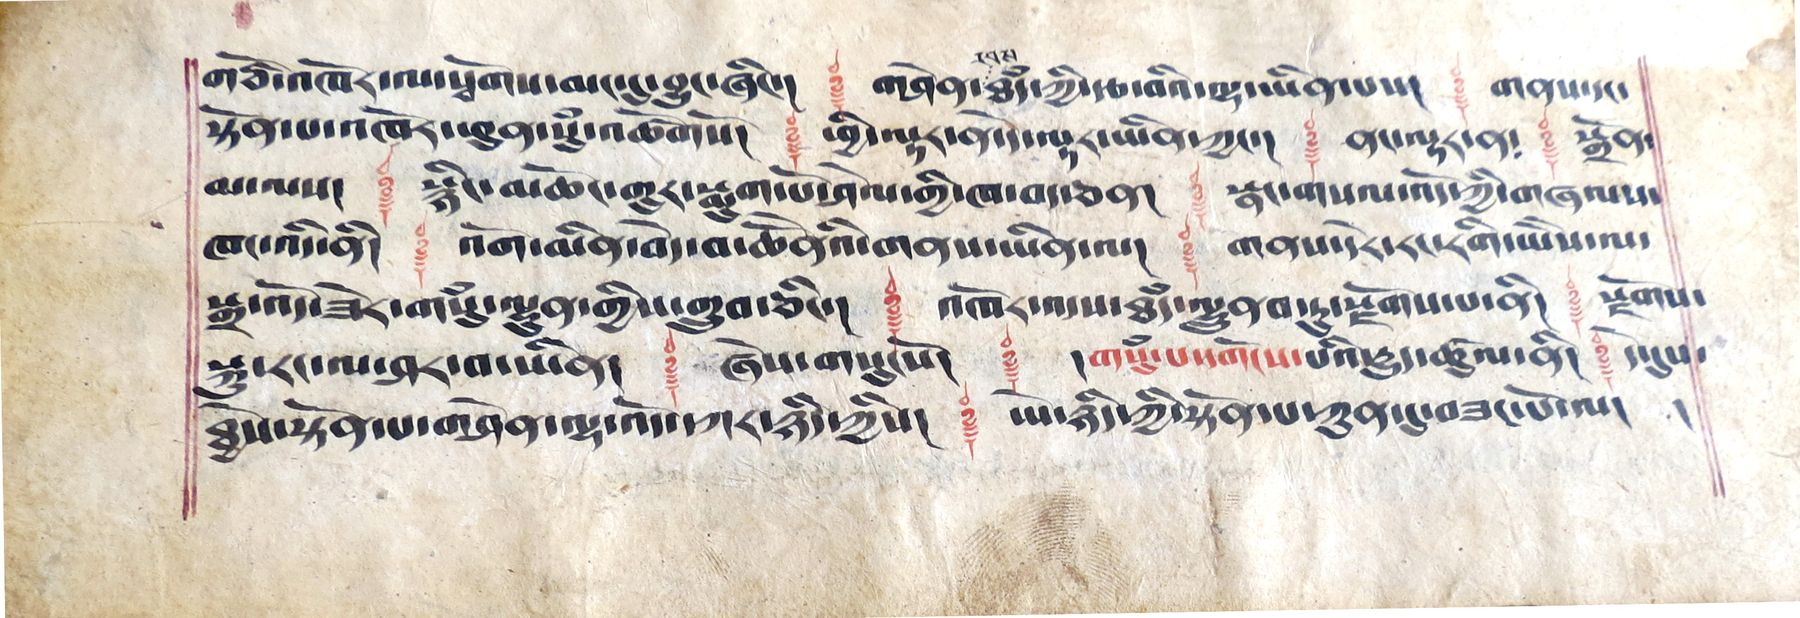གཙོ་འཁོར་ལས་སོགས་མང་དུ་བྱུང་ཞིང་། གཤེན་རབ་ཐམས་ཅད་ཀྱི་རྩ་བའི་ལྷ་ཡིན་པས། གནས་དང་
སྟོན་པ་འཁོར་ཕུན་སུམ་ཚོགས་སོ། ། ཕྱི་ལྟར་ན་དེ་ལྟར་ཡིན་ཡང་། ནང་ལྟར་ན། སྒྲོན་
མ་ལས། སྙིང་མཆོང་གུར་སྨུག་པོ་ཤེལ་གྱི་ཁ་བད་ཅན། སྣང་གསལ་འོད་ཀྱི་གཞལ་ཡས་
ཁང་འདི་ནི། འོག་མིན་བདེ་བ་ཆེན་པོའི་གནས་ཡིན་ལ། གནས་དེར་རང་རིག་ཡེ་ཤེས་ལ་
སྒྲ་འོད་ཟེར་གསུམ་ལྷུན་གྱིས་གྲུབ་ཅིང་། འཁོར་འདས་ཐམས་ཅད་ལྷུན་གྲུབ་ཏུ་རྫོགས་པ་ནི། རྫོགས་
སྐུ་རང་ལ་ཤར་བ་ཡིན་ཞེས་གསུངས་སོ། ། གསུམ་པ་དགོངས་པའི་བརྒྱུད་ཚུལ་ནི། དེ་དུས་
ཐུགས་རྗེའི་སྟོན་པ་གཤེན་ལྷ་འོད་དཀར་ཉིད་ཀྱིས། ཡེ་ཉིད་ཀྱི་སྟོན་པ་ཀུན་ཏུ་བཟང་པོ་ལ།